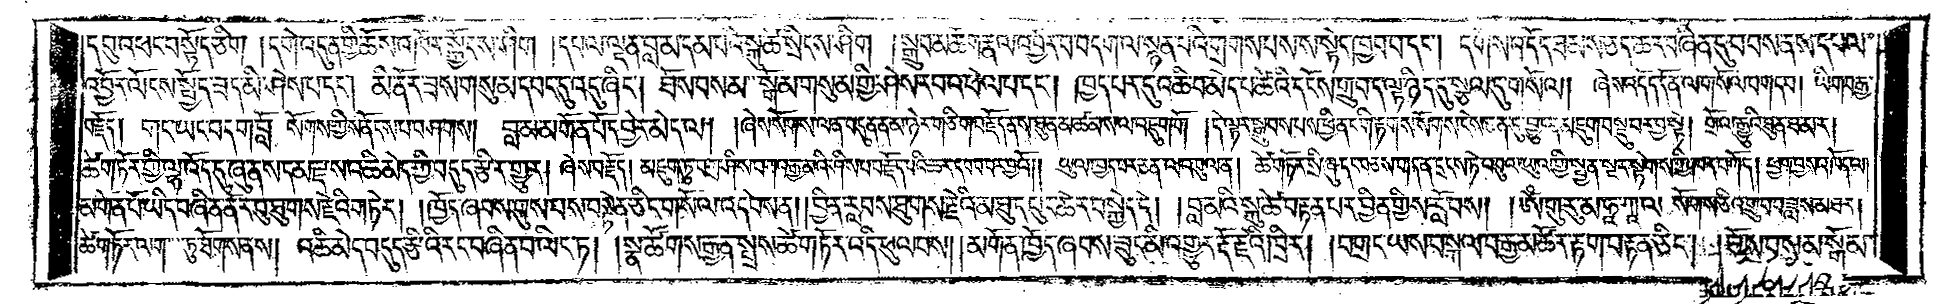དབུ་འཕང་བསྟོད་ཅིག །དགེ་འདུན་གྱི་ཆོས་འཁོར་སྐྱོངས་ཤིག །དཔལ་ལྡན་བླ་མ་དམ་པའི་སྐུ་ཚེ་སྲིངས་ཤིག །སྒྲུབ་མཆོག་རྣལ་འབྱོར་བ་བདག་ལ་སྙན་པའི་གྲགས་པས་ས་སྟེང་ཁྱབ་པ་དང་། དགོས་འདོད་ཐམས་ཅད་ཆར་བཞིན་དུ་བབས་ནས་དཔལ་
འབྱོར་ལོངས་སྤྱོད་ཟད་མི་ཤེས་པ་དང་། མི་ནོར་ཟས་གསུམ་དབང་དུ་འདུ་ཞིང་། ཐོས་བསམ་སྒོམ་གསུམ་གྱི་ཤེས་རབ་འཕེལ་པ་དང་། ཁྱད་པར་དུ་འཆི་བ་མེད་པ་ཚེའི་དངོས་གྲུབ་ད་ལྟ་ཉིད་དུ་སྩལ་དུ་གསོལ། ཞེས་འདོད་དོན་ལ་གསོལ་བ་གདབ། ཡིག་བརྒྱ་
བརྗོད། གང་ཡང་བདག་བློ་སོགས་ཀྱིས་ནོངས་པ་བཤགས།  བླ་མ་མགོན་པོ་དབྱེར་མེད་ལ། །ཞེས་སོགས་ལན་བདུན་ནམ་ཉེར་གཅིག་བརྗོད་ནས་ཐུན་མཚམས་ལ་འཇུག་གོ །དེ་ལྟར་སྒྲུབས་པས་ཕྱི་ནང་གི་རྟགས་སོགས་ངེས་ཅན་དུ་བྱུང་ན་མཇུག་བསྡུ་བར་བྱ་སྟེ། གྲོལ་རྒྱུའི་ཐུན་ཐ་མར།
ཚེ་གཏོར་གྱི་ལྷ་འོད་དུ་ཞུ་ནས་དམ་རྫས་འཆི་མེད་ཀྱི་བདུད་རྩིར་གྱུར། ཞེས་བརྗོད། མཇུག་ཏུ་བཀྲ་ཤིས་བཀའ་རྒྱ་མའི་ཤིས་པ་བརྗོད་པའི་ཆར་དབབ་པར་བྱའོ། །ཡུལ་ཁྱད་པར་ཅན་ལ་འབུལ་ན། ཚེ་གཏོར་སྲི་ཞུ་དང་བཅས་གདན་དྲངས་ཏེ་འབུལ་ཡུལ་གྱི་སྤྱན་སྔར་སྟེགས་ཀྱི་ཁར་བཀོད། ཕྱག་བྱས་འཁོད་ལ།
མགོན་པོ་ཡིད་བཞིན་ནོར་བུ་ཐུགས་རྗེའི་གཏེར། །ཁྱོད་ཞབས་གུས་པས་བསྟེན་ཅིང་གསོལ་འདེབས་ན། །བྱིན་རླབས་ཐུགས་རྗེའི་མཐུ་དཔུང་ཆེར་བསྐྱེད་དེ། །བླ་མའི་སྐུ་ཚེ་བརྟན་པར་བྱིན་གྱིས་རློབས། །ཨོཾ་གུ་རུ་མ་ཧཱ་ཀཱ་ལ་སོགས་ཅི་འགྲུབ་བཟླས་མཐར།
ཚེ་གཏོར་ལག་ཏུ་ཐོགས་ནས། འཆི་མེད་བདུད་རྩིའི་རང་བཞིན་བ་ལིང་ཏ། །སྣ་ཚོགས་རྒྱན་སྤྲད་ཚེ་གཏོར་འདི་ཕུལ་བས། །མགོན་ཁྱོད་ཞབས་ཟུང་མི་འགྱུར་རྡོ་རྗེའི་ཁྲིར། །བགྲང་ཡས་བསྐལ་བ་རྒྱ་མཚོར་རྟག་བརྟན་ཅིང་། །ཐོས་བསམ་སྒོམ་